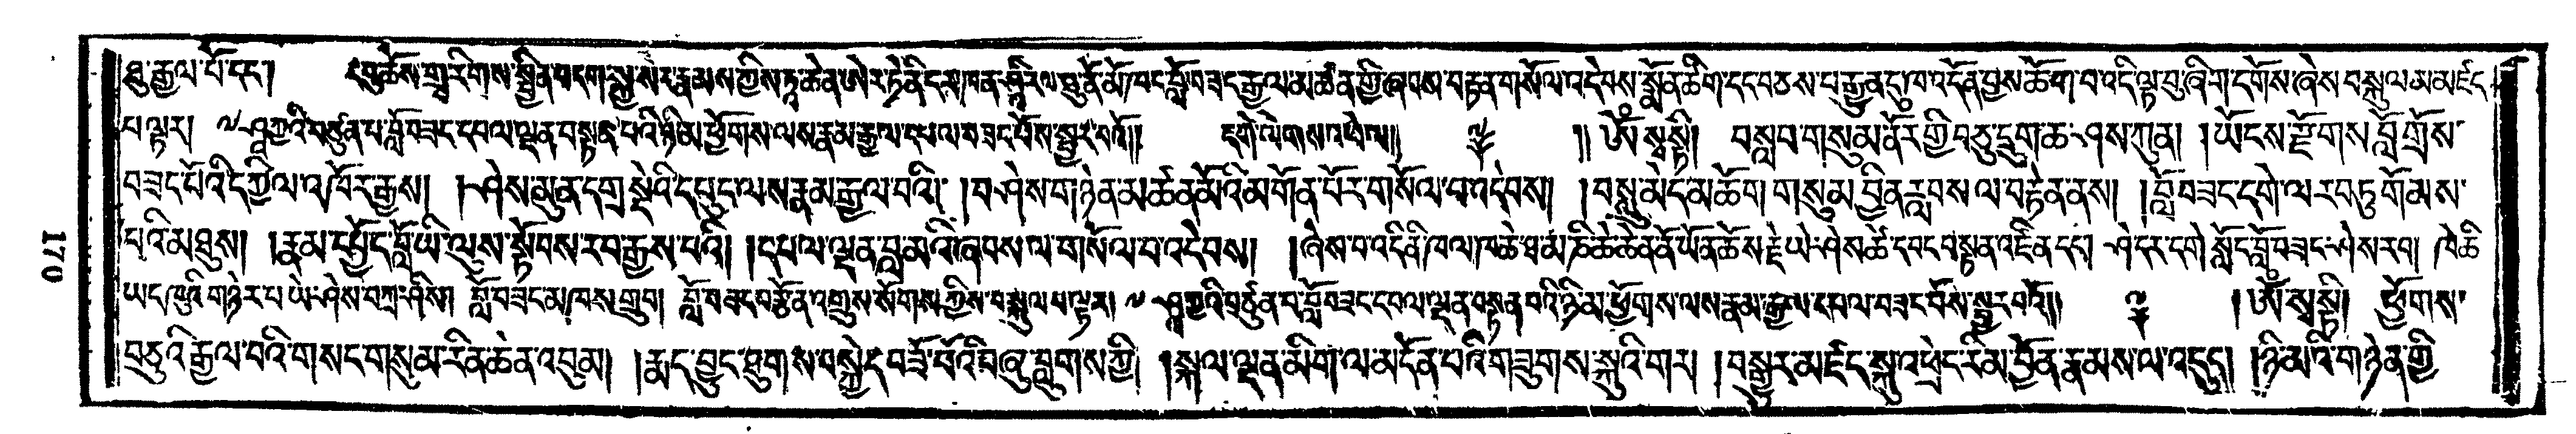ཐུ་རྒྱལ་པོ་དང་། དབུ་ཆོས་གྲྭ་རིགས་སྦྱིན་བདག་སྐྱ་སེར་རྣམས་ཀྱིས་ཏཱ་ཆེན་ཨེར་ཏེ་ནི་དར་ཁན་ཤཱི་རལ་ཐུ་ནོ་མོ་ཁང་བློ་བཟང་རྒྱལ་མཚན་གྱི་ཞབས་བརྟན་གསོལ་འདེབས་སྨོན་ཚིག་དང་བཅས་པ་རྒྱུན་དུ་ཁ་འདོན་བྱས་ཆོག་པ་འདི་ལྟ་བུ་ཞིག་དགོས་ཞེས་བསྐུལ་མ་མཛད་
པ་ལྟར། ༧་ཤཱཀྱའི་བཙུན་པ་བློ་བཟང་དཔལ་ལྡན་བསྟན་པའི་ཉི་མ་ཕྱོགས་ལས་རྣམ་རྒྱལ་དཔལ་བཟང་པོས་སྦྱར་བའོ།། དགེ་ལེགས་འཕེལ།། ༈ །།ཨོཾ་སྭ་སྟི། བསླབ་གསུམ་ནོར་གྱི་བཅུ་དྲུག་ཆ་ཤས་ཀུན། །ཡོངས་རྫོགས་བློ་གྲོས་
བཟང་པོའི་དཀྱིལ་འཁོར་རྒྱས། །ཤེས་མུན་དགྲ་སྡེའི་དཔུང་ལས་རྣམ་རྒྱལ་བའི། །བཤེས་གཉེན་མཚན་མོའི་མགོན་པོར་གསོལ་བ་འདེབས། །བསླུ་མེད་མཆོག་གསུམ་བྱིན་རླབས་ལ་བརྟེན་ནས། །བློ་བཟང་དགེ་ལ་རབ་ཏུ་གོམས་
པའི་མཐུས། །རྣམ་དཔྱོད་བློ་ཡི་ལུས་སྟོབས་རབ་རྒྱས་པའི། །དཔལ་ལྡན་བླ་མའི་ཞབས་ལ་གསོལ་བ་འདེབས། །ཞེས་པ་འདི་ནི་ཁལ་ཁ་ཆེ་ཐ་མ་ཎི་ཆེ་ཆེན་ནོ་ཡོན་ཆོས་རྗེ་ཡེ་ཤེས་ཚེ་དབང་བསྟན་འཛིན་དང་། ཤེ་དར་དགེ་སློང་བློ་བཟང་ཤེས་རབ། ཁེ་ཆི་
ཡང་ཁུའི་གཉེར་པ་ཡེ་ཤེས་བཀྲ་ཤིས། བློ་བཟང་མཁས་གྲུབ། བློ་བཟང་བརྩོན་འགྲུས་སོགས་ཀྱིས་བསྐུལ་བ་ལྟར། ༧་ཤཱཀྱའི་བཙུན་བ་བློ་བཟང་དཔལ་ལྡན་བསྟན་པའི་ཉི་མ་ཕྱོགས་ལས་རྣམ་རྒྱལ་དཔལ་བཟང་བོས་སྦྱར་བའོ།། ༈ །ཨོཾ་སྭ་སྟི། ཕྱོགས་
བཅུའི་རྒྱལ་བའི་གསང་གསུམ་རིན་ཆེན་འབུམ། །རྨད་བྱུང་ཐུགས་བསྐྱེད་བཟོ་བོའི་བཞུ་བླུགས་ཀྱི། །སྐལ་ལྡན་མིག་ལ་མདོན་པའི་གཟུགས་སྐུའི་གར། །བསྒྱུར་མཛད་སྐུ་འཕྲེང་རིམ་བྱོན་རྣམས་ལ་འདུད། །ཉི་མའི་གཉེན་གྱི་